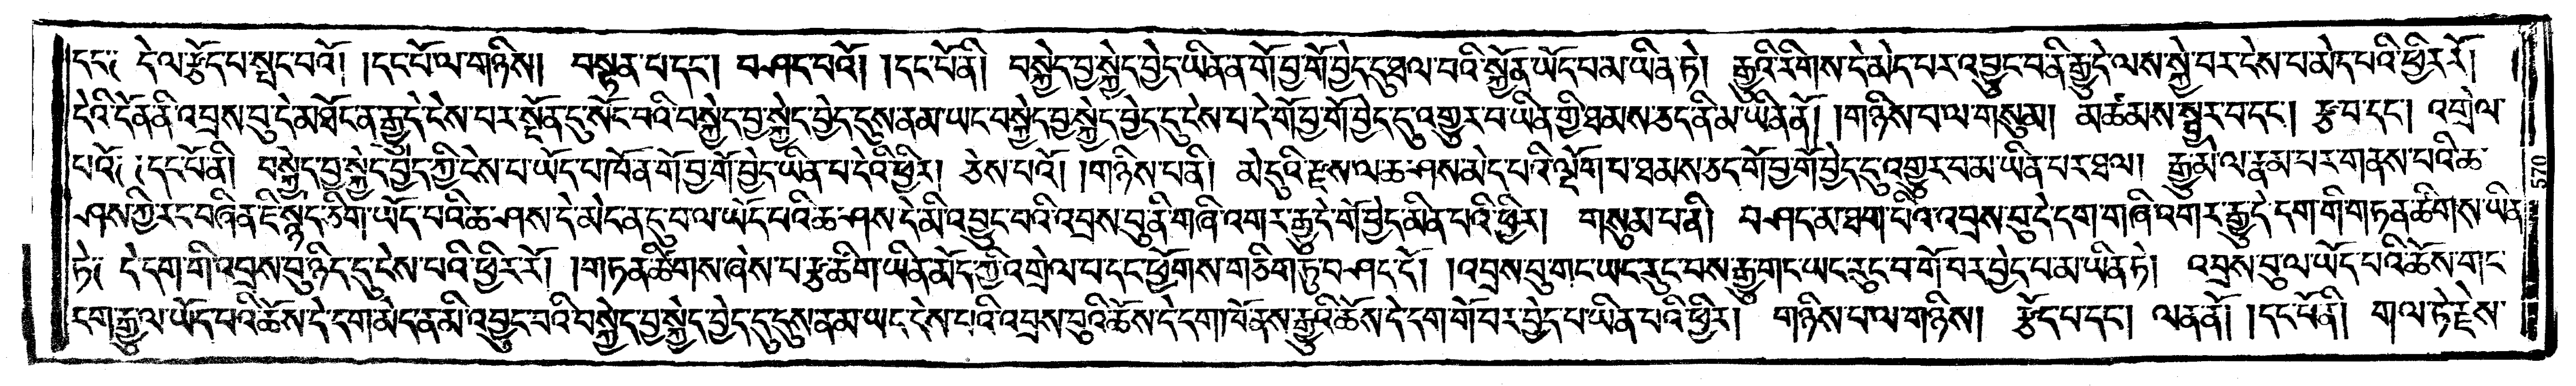དང་། དེ་ལ་རྩོད་པ་སྤང་བའོ། །དང་པོ་ལ་གཉིས། བསྟན་པ་དང་། བཤད་པའོ། །དང་པོ་ནི། བསྐྱེད་བྱ་སྐྱེད་བྱེད་ཡིན་ན་གོ་བྱ་གོ་བྱེད་དུ་ཐལ་བའི་སྐྱོན་ཡོད་པ་མ་ཡིན་ཏེ། རྒྱུའི་རིགས་དེ་མེད་པར་འབྱུང་བ་ནི་རྒྱུ་དེ་ལས་སྐྱེ་བར་ངེས་པ་མེད་པའི་ཕྱིར་རོ།
དེའི་དོན་ནི་འབྲས་བུ་དེ་མཐོང་ན་རྒྱུ་དེ་ངེས་པར་སྔོན་དུ་སོང་བའི་བསྐྱེད་བྱ་སྐྱེད་བྱེད་དུས་ནམ་ཡང་བསྐྱེད་བྱ་སྐྱེད་བྱེད་དུ་ངེས་པ་དེ་གོ་བྱ་གོ་བྱེད་དུ་འགྱུར་བ་ཡིན་གྱི་ཐམས་ཅད་ནི་མ་ཡིན་ནོ། །གཉིས་པ་ལ་གསུམ། མཚམས་སྦྱར་བ་དང་། རྩ་བ་དང་། འགྲེལ་
པའོ། །དང་པོ་ནི། བསྐྱེད་བྱ་སྐྱེད་བྱེད་ཀྱི་ངེས་པ་ཡོད་པ་ཁོ་ན་གོ་བྱ་གོ་བྱེད་ཡིན་པ་དེའི་ཕྱིར། ཅེས་པའོ། །གཉིས་པ་ནི། མེ་དུའི་རྫས་ལ་ཆ་ཤས་མེད་པའི་ལྡོག་པ་ཐམས་ཅད་གོ་བྱ་གོ་བྱེད་དུ་འགྱུར་བ་མ་ཡིན་པར་ཐལ། རྒྱུ་མེ་ལ་རྣམ་པར་གནས་པའི་ཆ་
ཤས་ཀྱི་རང་བཞིན་ཇི་སྙེད་ཅིག་ཡོད་པའི་ཆ་ཤས་དེ་མེད་ན་དུ་བ་ལ་ཡོད་པའི་ཆ་ཤས་དེ་མི་འབྱུང་བའི་འབྲས་བུ་ནི་གཞི་འགར་རྒྱུ་དེ་གོ་བྱེད་མིན་པའི་ཕྱིར། གསུམ་པ་ནི། བཤད་མ་ཐག་པའི་འབྲས་བུ་དེ་དག་གཞི་འགར་རྒྱུ་དེ་དག་གི་གཏན་ཚིགས་ཡིན་
ཏེ། དེ་དག་གི་འབྲས་བུ་ཉིད་དུ་ངེས་པའི་ཕྱིར་རོ། །གཏན་ཚིགས་ཞེས་པ་རྩ་ཚིག་ཡིན་མོད་ཀྱི་འགྲེལ་པ་དང་ཕྱོགས་གཅིག་ཏུ་བཤད་དོ། །འབྲས་བུ་གང་ཡང་རུང་བས་རྒྱུ་གང་ཡང་རུང་བ་གོ་བར་བྱེད་པ་མ་ཡིན་ཏེ། འབྲས་བུ་ལ་ཡོད་པའི་ཆོས་གང་
དག་རྒྱུ་ལ་ཡོད་པའི་ཆོས་དེ་དག་མེད་ན་མི་འབྱུང་བའི་བསྐྱེད་བྱ་སྐྱེད་བྱེད་དུ་དུས་ནམ་ཡང་ངེས་པའི་འབྲས་བུའི་ཆོས་དེ་དག་ཁོ་ནས་རྒྱུའི་ཆོས་དེ་དག་གོ་བར་བྱེད་པ་ཡིན་པའི་ཕྱིར། གཉིས་པ་ལ་གཉིས། རྩོད་པ་དང་། ལན་ནོ། །དང་པོ་ནི། གལ་ཏེ་རྗེས་